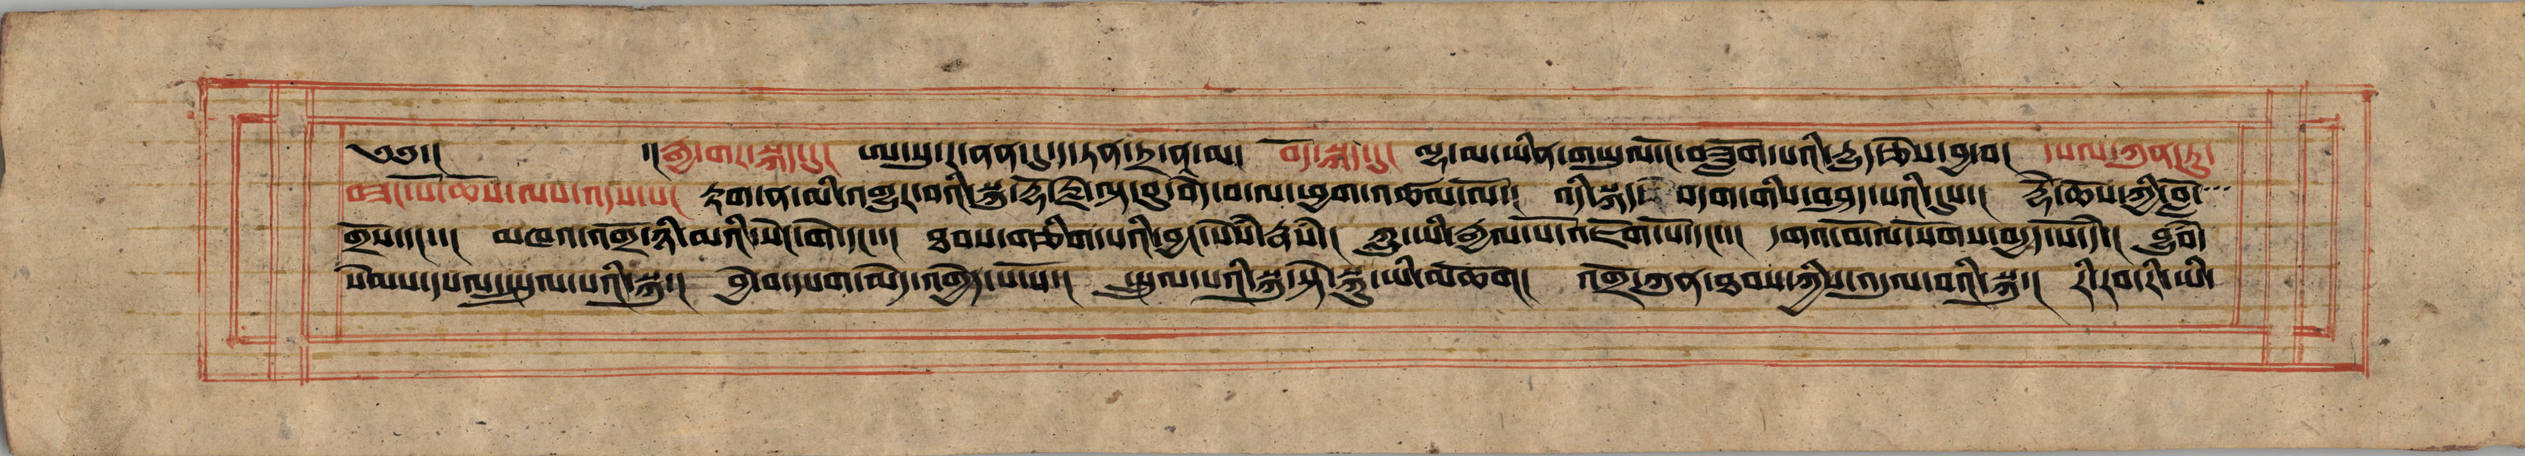༄༅་། ་།རྒྱ་གར་སྐད་དུ། ཨ་སུ་ར་ནན་དུ་ད་ཏན་ཏྲ་ནཱ་མ། བོད་སྐད་དུ། ལྷ་མ་ཡིན་གཡུལ་ངོ་བཟློག་པའི་དྱུད་ཅེས་བྱ་བ་། དཔལ་ཀུན་ཏུ་
བཟང་པོ་ཆོས་ལས་འདས་པ། རྟག་ན་མི་འགྱུར་བའི་སྐུ་རྡོ་རྗེ་ལྟ་བུ་བདེ་བ་ལ་ཕྱག་འཚལ་ལོ་། འདི་སྐད་བདག་གིས་བཤད་པའི་དུས། རྡོེ་ཆོས་ཀྱི་བློ་
གྲོས་དང་་། མཁའ་འགྲོ་ཉི་མའི་སེང་གེ་དང་་། ཐབས་གཅིག་པའི་བྱང་སེཾས་རྣཾས་། ཀླུ་ཡི་རྒྱལ་པོ་འཇོག་པོ་དང་་། དགའ་བོ་ལ་སོགས་བདྱད་པོ་དེ་། བྱུཾབ་
སེམས་དཔལ་སྤྲུལ་པའི་སྐུ་། བྱེ་བ་དཔག་མེད་འབྱེད་པ་པོ་། སྤྲུལ་པའི་སྐུ་སྟེ་སྐུ་ཡི་མཆོག། འགྲོ་ཀུན་ཐབས་ཀྱིས་འདུལ་བའི་སྐུ་། རི་རབ་རི་ཡི་